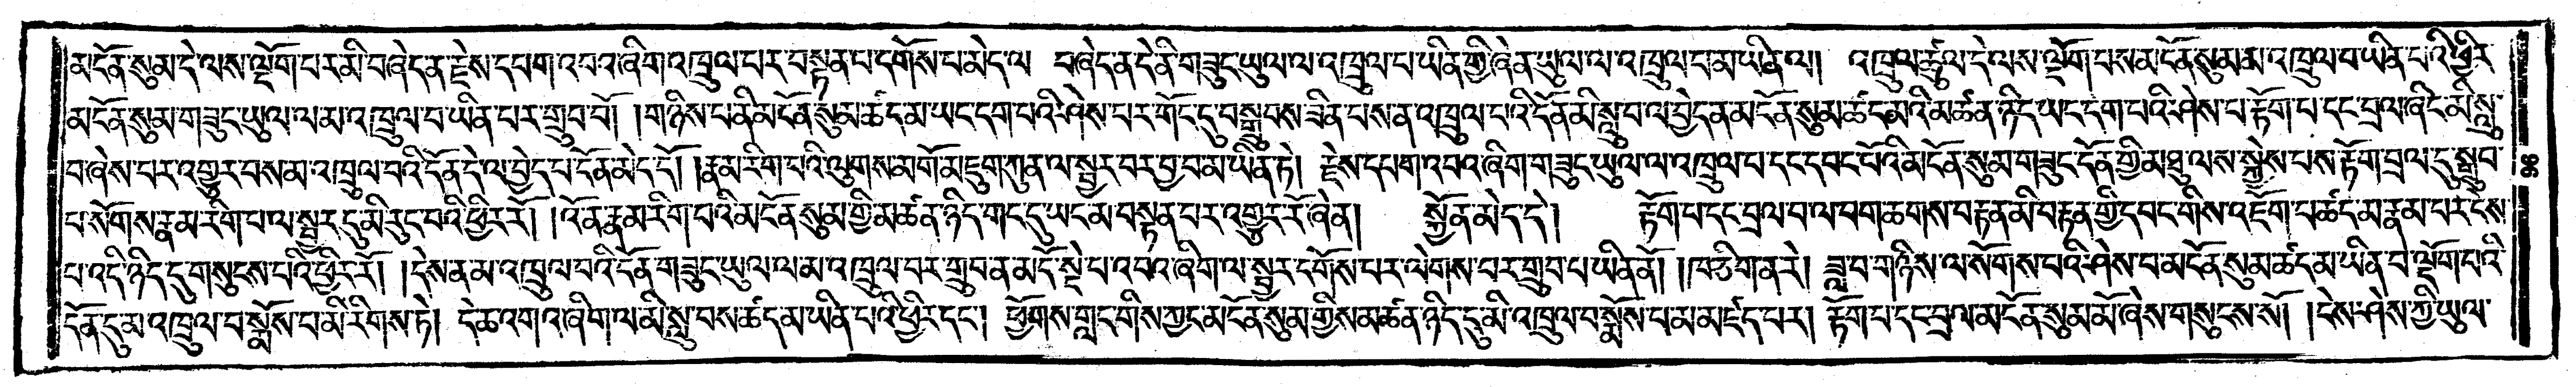མངོན་སུམ་དེ་ལས་ལྡོག་པར་མི་བཞེད་ན་རྗེས་དཔག་འབའ་ཞིག་འཁྲུལ་པར་བསྟན་པ་དགོས་པ་མེད་ལ། བཞེད་ན་དེ་ནི་གཟུང་ཡུལ་ལ་འཁྲུལ་པ་ཡིན་གྱི་ཞེན་ཡུལ་ལ་འཁྲུལ་བ་མ་ཡིན་ལ། འཁྲུལ་ཚུལ་དེ་ལས་ལྡོག་པས་མངོན་སུམ་མ་འཁྲུལ་བ་ཡིན་པའི་ཕྱིར་
མངོན་སུམ་གཟུང་ཡུལ་ལ་མ་འཁྲུལ་བ་ཡིན་པར་གྲུབ་བོ། །གཉིས་པ་ནི་མངོན་སུམ་ཚད་མ་ཡང་དག་པའི་ཤེས་པར་གོང་དུ་བསྒྲུབས་ཟིན་པས་ན་འཁྲུལ་པའི་དོན་མི་སླུ་བ་ལ་བྱེད་ན་མངོན་སུམ་ཚད་མའི་མཚན་ཉིད་ཡང་དག་པའི་ཤེས་པ་རྟོག་པ་དང་བྲལ་ཞིང་མི་སླུ་
བ་ཞེས་པར་འགྱུར་བས་མ་འཁྲུལ་བའི་དོན་དེ་ལ་བྱེད་པ་དོན་མེད་དོ། །རྣམ་རིག་པའི་ལུགས་མགོ་མཇུག་ཀུན་ལ་སྦྱར་བར་བྱ་བ་མ་ཡིན་ཏེ། རྗེས་དཔག་འབའ་ཞིག་གཟུང་ཡུལ་ལ་འཁྲུལ་པ་དང་དབང་པོའི་མངོན་སུམ་གཟུང་དོན་གྱི་མཐུ་ལས་སྐྱེས་པས་རྟོག་བྲལ་དུ་སྒྲུབ་
པ་སོགས་རྣམ་རིག་པ་ལ་སྦྱར་དུ་མི་རུང་བའི་ཕྱིར་རོ། །འོ་ན་རྣམ་རིག་པའི་མངོན་སུམ་གྱི་མཚན་ཉིད་གང་དུ་ཡང་མ་བསྟན་པར་འགྱུར་རོ་ཞེ་ན། སྐྱོན་མེད་དེ། རྟོག་པ་དང་བྲལ་བ་ལ་བག་ཆགས་བརྟན་མི་བརྟན་གྱི་དབང་གིས་འཇོག་པ་ཚད་མ་རྣམ་པར་ངེས་
པ་འདི་ཉིད་དུ་གསུངས་པའི་ཕྱིར་རོ། །དེས་ན་མ་འཁྲུལ་བའི་དོན་གཟུང་ཡུལ་ལ་མ་འཁྲུལ་བར་གྲུབ་ན་མདོ་སྡེ་པ་འབའ་ཞིག་ལ་སྦྱར་དགོས་པར་ལེགས་པར་གྲུབ་པ་ཡིན་ནོ། །ཁ་ཅིག་ན་རེ། ཟླ་བ་གཉིས་ལ་སོགས་པའི་ཤེས་པ་མངོན་སུམ་ཚད་མ་ཡིན་པ་ལྡོག་པའི་
དོན་དུ་མ་འཁྲུལ་པ་སྨོས་པ་མི་རིགས་ཏེ། དེ་ཆ་འགའ་ཞིག་ལ་མི་སླུ་བས་ཚད་མ་ཡིན་པའི་ཕྱིར་དང་། ཕྱོགས་གླང་གིས་ཀྱང་མངོན་སུམ་གྱིས་མཚན་ཉིད་དུ་མི་འཁྲུལ་བ་སྨོས་པ་མ་མཛད་པར། རྟོག་པ་དང་བྲལ་མངོན་སུམ་མོ་ཞེས་གསུངས་སོ། །ངེས་ཤེས་ཀྱི་ཡུལ་